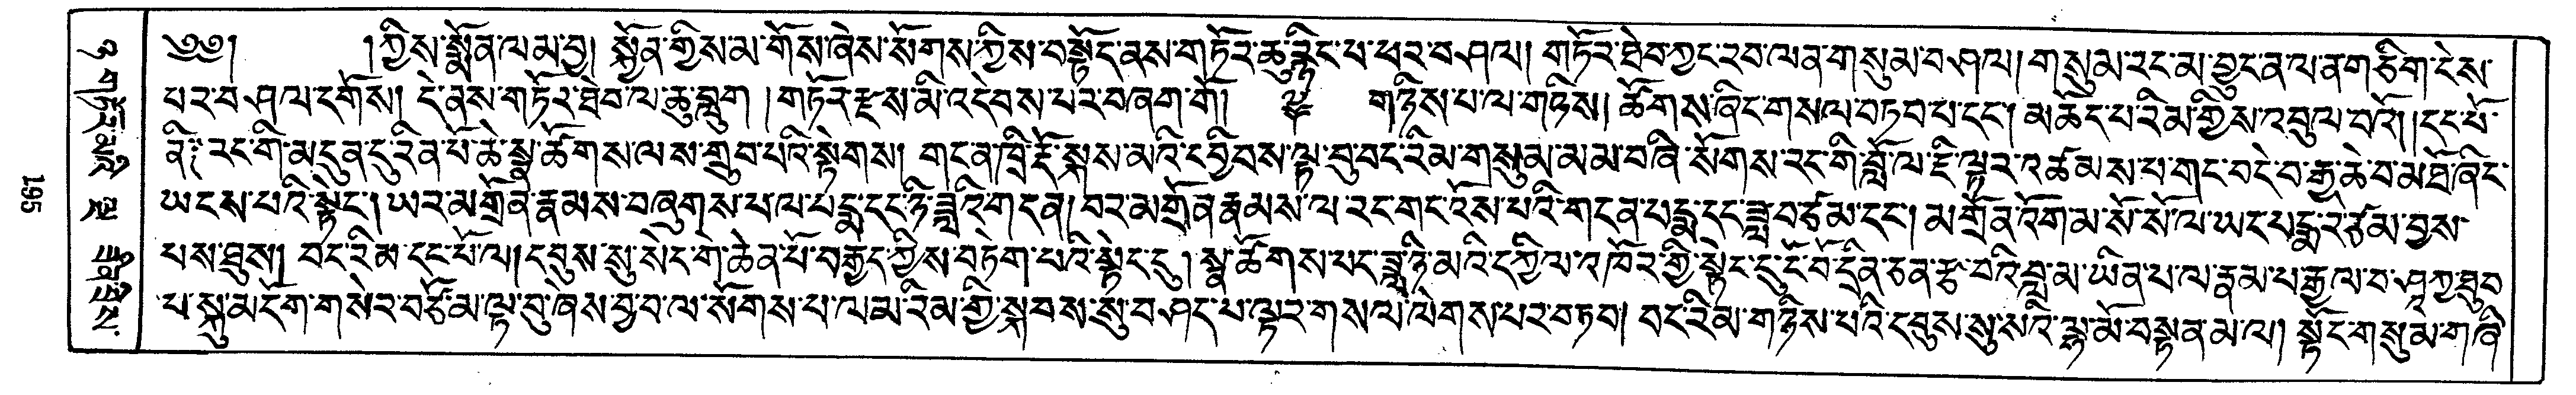༄༅། །ཀྱིས་སྨོན་ལམ་བྱ། སྐྱོན་གྱིས་མ་གོས་ཞེས་སོགས་ཀྱི་ས་བསྟོད་ནས་གཏོར་ཆུ་རྙིང་པ་ཕར་བཤལ། གཏོར་ཐེབ་ཀྱང་རབ་ལན་གསུམ་བཤལ། གསུམ་རང་མ་བྱུང་ན་ལན་གཅིག་དེས་
པར་བཤལ་དགོས། དེ་ནས་གཏོར་ཐེབ་ལ་ཆུ་བླུག །གཏོར་རྫས་མི་འདེབས་པར་བཞག་གོ། ༈ གཉིས་པ་ལ་གཉིས། ཚོགས་ཞིང་གསལ་བཏབ་པ་དང་། མཆོད་པ་རིམ་གྱིས་འབུལ་བའོ། །དང་པོ་
ནི༑ རང་གི་མདུན་དུ་རིན་པོ་ཆེ་སྣ་ཚོགས་ལས་གྲུབ་པའི་སྟེགས། གང་ན་ཁྲི་རྡོ་སྐས་མའི་དབྱིབས་ལྟ་བུ་བང་རིམ་གསུམ་མམ་བཞི་སོགས་རང་གི་བློ་ལ་ཇི་ལྟར་འཚམས་པ་གང་བདེ་བ་རྒྱ་ཆེ་བ་མཐོ་ཞིང་
ཡངས་བའི་སྟེང་། ཡར་མགྲོན་རྣམས་བཞུགས་པ་ལ་པདམ་དང་ཉི་ཟླའི་གདན། བར་མགྲོན་རྣམས་ལ་རང་གང་འོས་པའི་གདན་པདམ་དང་ཟླ་བ་ཙམ་དང་། མགྲོན་འོག་མ་སོ་སོ་ལ་ཡང་པདམ་རེ་ཙམ་བྱས་
པས་ཐུས། བང་རིམ་དང་པོ་ལ། དབུས་སུ་སེང་གེ་ཆེན་པོ་བརྒྱད་ཀྱིས་བཏེག་པའི་སྟེང་དུ། སྣ་ཚོགས་པད་ཟླ་ཉི་མའི་དཀྱིལ་འཁོར་གྱི་སྟེང་དུ་ངོ་བོ་དྲིན་ཅན་རྩ་བའི་བླ་མ་ཡིན་པ་ལ་རྣམ་པ་རྒྱལ་བ་ཤཱཀྱ་ཐུབ་
པ་སྐུ་མདོག་གསེར་བཙོམ་ལྟ་བུ་ཞེས་བྱ་བ་ལ་སོགས་པ་ལམ་རིམ་གྱི་སྐབས་སུ་བཤད་པ་ལྟར་གསལ་ལེགས་པར་བཏབ། བང་རིམ་གཉིས་པའི་དབུས་སུ་སའི་ལྷ་མོ་བསྟན་མ་ལ། སྟོང་གསུམ་གཞི་